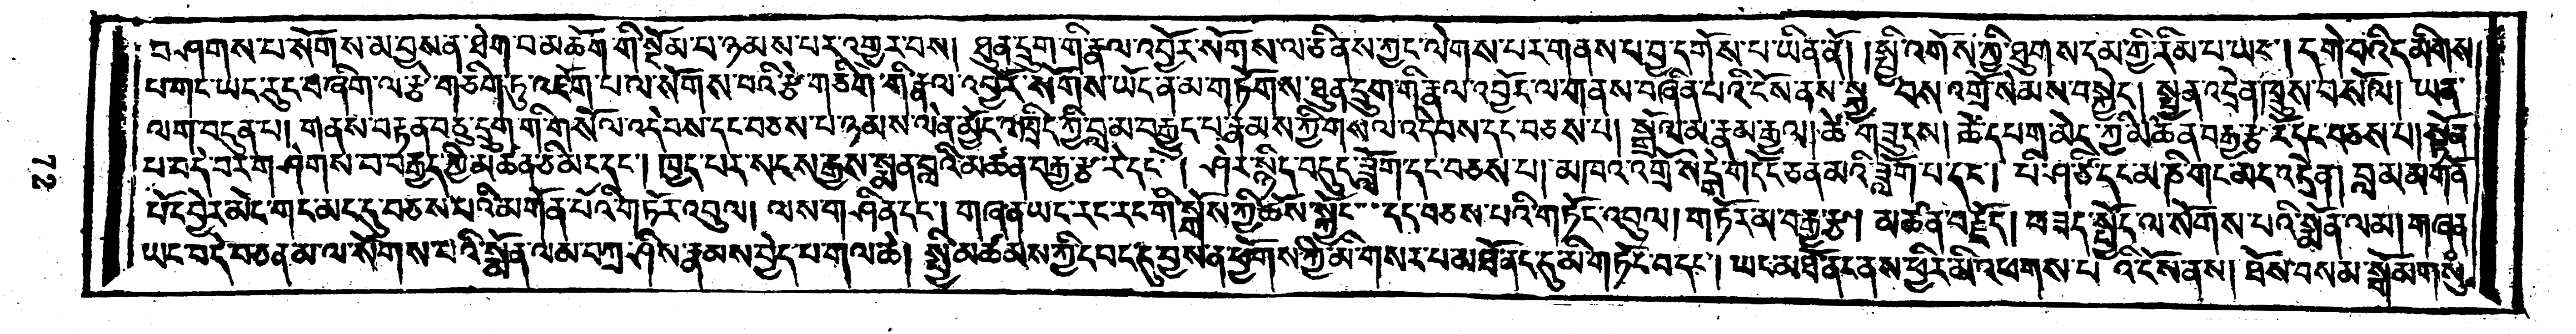བཤགས་པ་སོགས་མ་བྱས་ན་ཐེག་བ་མཆོག་གི་སྔོམ་པ་ཉམས་པར་འགྱར་བས། ཐུན་དྲུག་གི་རྣལ་འབྱོར་སོགས་ལ་ཅི་ནས་ཀྱང་ལེགས་པར་གནས་པ་བྱ་དགོས་པ་ཡིན་ནོ། །སྤྱི་འགོས་ཀྱི་ཐུགས་དམ་གྱི་རིམ་པ་ཡང་། དགེ་བའི་དམིགས།
པ་གང་ཡང་རུང་བ་ཞིག་ལ་རྩེ་གཅིག་ཏུ་འཇོག་པ་ལ་སོགས་པའི་རྩེ་གཅིག་གི་རྣལ་འབྱོར་སོགས་ཡོང་ན་མ་གཏོགས་ཐུན་དྲུག་གི་རྣལ་འབྱོར་ལ་གནས་བཞིན་པའི་ངོས་ནས་སྐྱ་བས་འགྲོ་སེམས་བསྐྱེད། སྤྱན་འདྲེན་ཁྲུས་བསོལ། ཡན་
ལག་བདུན་པ། གནས་བརྟན་བཅུ་དྲུག་གི་གསོལ་འདེབས་དང་བཅས་པ་ཉམས་ལེན་མྱོང་འཁྲིད་ཀྱི་བླ་མ་བརྒྱུད་པ་རྣམས་ཀྱི་གསལ་འདེབས་དང་བཅས་པ། སྒྲོལ་མ་རྣམ་རྒྱལ། ཚེ་གཟུངས། ཚེ་དཔག་མེད་ཀྱི་མཚན་བརྒྱ་རྩ་རོ་དང་བཅས་པ། སྟོན་
པ་བདེ་བར་གཤེགས་བ་བརྒྱད་ཀྱི་མཚན་ཅི་མང་དང་། ཁྱད་པར་སངས་རྒྱས་སྨན་བླའི་མཚན་བརྒྱ་རྩ་རེ་དང་། ཤེར་སྙིད་བདུད་ཟློག་དང་བཅས་པ། མཁའ་འགྲོ་སེངྒེ་གདོང་ཅན་མའི་ཟློག་པ་དང་། པི་ཤ་ཙི་དང་མ་ཎི་གང་མང་འདྲེན། བླ་མ་མགོན་
པོ་དབྱེར་མེད་གང་མང་དུ་བཅས་པའི་མགོན་པོའི་གཏོར་འབུལ། ལས་གཤིན་དང་། གཞན་ཡང་རང་རང་གི་སྒོས་ཀྱི་ཆོས་སྐྱོང་དད་བཅས་པའི་གཏོང་འབུལ། གྲོར་མ་བརྒྱ་རྩ། མཚན་བརྗོད། བཟད་སྤྱོད་ལ་སོགས་པའི་སྨོན་ལམ། གཞན་
ཡང་བདེ་བ་ཅན་མ་ལ་སོགས་པའི་སྨོན་ལམ་བཀྲ་ཤིས་རྣམས་བྱེད་པ་གལ་ཆེ། སྤྱི་མཚམས་ཀྱི་དབང་དུ་བྱས་ན་ཕྱོགས་ཀྱི་མི་གསར་པ་མཐོ་ནང་དུ་མི་གཏོང་བ་དང་། ཡང་མཐོ་ནང་ནས་ཕྱིར་མི་འཕགས་པའི་ངོས་ནས། ཐོས་བསམ་སྒོམ་གསུཾ་